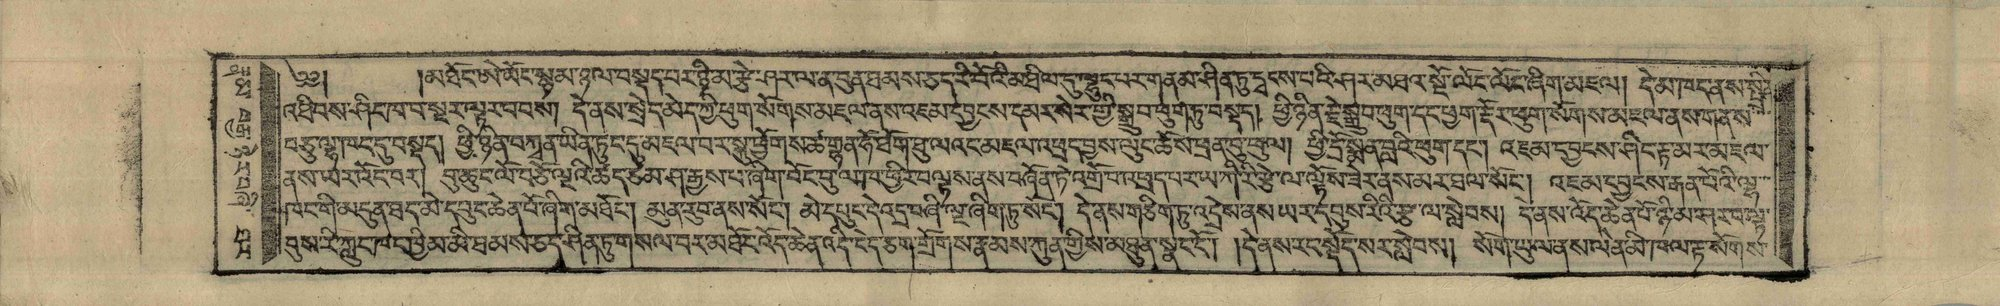༄༅། །མཐོང་ཨེ་ཡོང་སྙམ་ཉལ་བསྡད་པར་ཉི་མ་རྩེ་ཤར་ལ་ན་བུན་ཐམས་ཅད་རི་བོའི་མཐིལ་དུ་ལྷུང་པར་གནམ་ཤིན་ཏུ་དྭངས་བའི་ཤར་མཐའ་སྔོ་ལོང་ལོང་ཞིག་མཇལ། དེ་མ་ཁང་ནས་སྤྲིན་
འཐིབས་ཤིང་ཁ་བ་སྔར་ལྟར་བབས། དེ་ནས་སྲེད་མེད་ཀྱི་ཕུག་སོགས་མཇལ་ནས་འཇམ་དབྱངས་དམར་སེར་གྱི་སྒྲུབ་ཕུག་ཏུ་བསྡད། ཕྱི་ཉིན་རྗེ་སྒྲུབ་ཕུག་དང་ཕྱག་རྡོར་ཕུག་སོགས་མཇལ་ནས་གནས་
བཅུ་ལྷ་ཁང་དུ་བསྡད། ཕྱི་ཉིན་བཀྭན་ཡིན་ཏུང་དུ་མཇལ་བར་སྐུ་ཕྱོགས་ཚ་གྷན་ཧོ་ཐོག་ཐུ་ལའང་མཇལ་འཕྲད་བྱས་ལུང་ཆོས་ཕྲན་བུ་ཕུལ། ཕྱི་དྲོ་སྨན་བླའི་ཕུག་དང་། འཇམ་དབྱངས་ཤིང་རྟ་མར་མཇལ་
ནས་ཡར་འོང་བར། བུ་ཆུང་ལོ་བཅོ་ལྔའི་ཚད་ཙམ་ཤ་རྒྱས་པ་ཞིག་བོང་བུ་ལ་ཁ་ཕྱིར་བལྟས་ནས་བཞོན་ཏེ་འགྲོ་བ་འཕྲད་བར་ཡ་ཀི་རི་རྩེ་ལ་ལྟོས་ཟེར་ནས་མར་ཐལ་སོང་། འཇམ་དབྱངས་རྒན་པོའི་ལྷ་
ཁང་གི་མདུན་ཐད་མི་དཔུང་ཆེན་པོ་ཞིག་མཐོང་། མུན་རུབ་ནས་སོང་། མེ་དཔུང་དེ་འདྲ་བཞི་ལྔ་ཞིག་ཏུ་སོང་། དེ་ནས་གཅིག་ཏུ་འདྲེས་ནས་ཡར་དབུས་རིའི་རྩ་ལ་སླེབས། དེ་ནས་འོད་ཆེན་པོ་ཉི་མ་ཤར་བ་ལྟ་
བུས་རི་ཀླུང་ཁང་ཁྱིམ་མི་ཐམས་ཅད་ཤིན་ཏུ་གསལ་བར་མཐོང་འོད་ཆེན་འདི་ངེད་ཅག་གྲོགས་རྣམས་ཀུན་གྱིས་མཐུན་སྣང་ངོ། །དེ་ནས་རང་སྡོད་སར་སླེབས། སོག་ཡུལ་ནས་ལེན་མི་ཁལ་རྟ་སོགས་